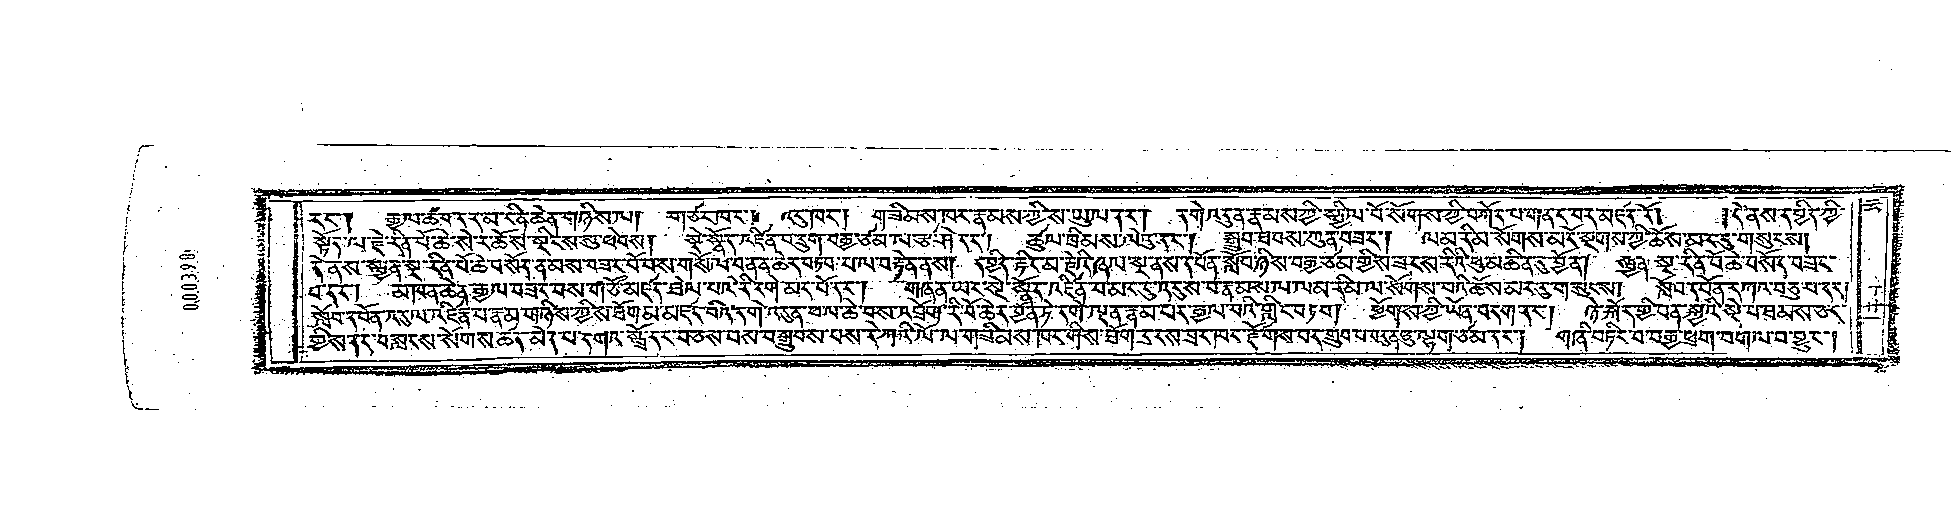དང་། རྒྱལ་ཚབ་དར་མ་རིན་ཆེན་གཉིས་ལ། གཙང་ཁང་། འདུ་ཁང་། གཟིམས་ཁང་རྣམས་ཀྱིས་ཡུལ་དང་། དགེ་འདུན་རྣམས་ཀྱི་སྤྱི་ལ་པོ་སོགས་ཀྱི་བཀོད་པ་གནང་བར་མཛད་དོ། །དེ་ནས་དཔྱིད་ཀྱི་
སྟོད་ལ་རྗེ་རིན་པོ་ཆེ་སེ་ར་ཆོས་སྡིངས་སུ་ཕེབས། སྡེ་སྣོད་འཛིན་བ་དྲུག་བརྒྱ་ཙམ་ལ་རྩ་ཤེ་དང་། ཚུལ་ཁྲིམས་ལེའུ་དང་། སྒྲུབ་ཐབས་ཀུན་བཟང་། ལམ་རིམ་སོགས་མདོ་སྔགས་ཀྱི་ཆོས་མང་དུ་གསུངས།
དེ་ནས་སྤྱན་སྔ་རིན་པོ་ཆེ་བསོད་ནམས་བཟང་བོ་བས་གསོལ་བ་ན་ཆེར་བཏབ་པ་ལ་བརྟེན་ནས། དབྱིད་རྟིང་མ་རྗེའི་ཞལ་སྔ་ནས་དཔོན་སློབ་ཉིས་བརྒྱ་ཙམ་གྱིས་ཟངས་རིའི་ཕུ་མཆིན་དུ་བྱོན། སྤྱན་སྔ་རིན་པོ་ཆེ་བསོད་བཟང་
བ་དང་། མཁན་ཆེན་རྒྱལ་བཟང་བས་གཙོ་མཛད་ཐེལ་པའི་རི་དགེ་མང་པོ་དང་། གཞན་ཡང་སྡེ་སྣོད་འཛིན་བ་མང་དུ་འདུས་པ་རྣམས་ལ་ལམ་རིམ་ལ་སོགས་པའི་ཆོས་མང་དུ་གསུངས། སློབ་དཔོན་དཀའ་བཅུ་པ་དང་།
སློབ་དཔོན་འདུལ་འཛིན་པ་རྣམ་གཉིས་ཀྱིས་ཐོག་མ་མཛད་བའི་དགེ་འདུན་ཕལ་ཆེ་བས་འབྲོག་རི་བོ་ཆེད་བྱོན་ཏེ་དགེ་ལྡན་རྣམ་པར་རྒྱལ་བའི་གླིང་བཏབ། ཕྱོགས་ཀྱི་ཡོན་བདག་དང་། ཉེ་སྐོར་གྱི་བན་སྐྱའི་སྡེ་པ་ཐམས་ཅད་
གྱིས་དང་བ་སླངས་སོགས་ཚད་མེད་པ་དགའ་སྤྲོ་དང་བཅས་བས་བསྒྲུབས་པས་དེ་ཀའི་ལོ་ལ་གཟིམས་ཁང་གིས་ཐོག་དྲངས་བྲང་ཁང་རྫོགས་བར་གྲུབ་པ་བདུན་ཅུ་ལྷག་ཙམ་དང་། གཞི་བཏིང་བ་བརྒྱ་ཕྲག་བརྒལ་བ་བྱུང་།